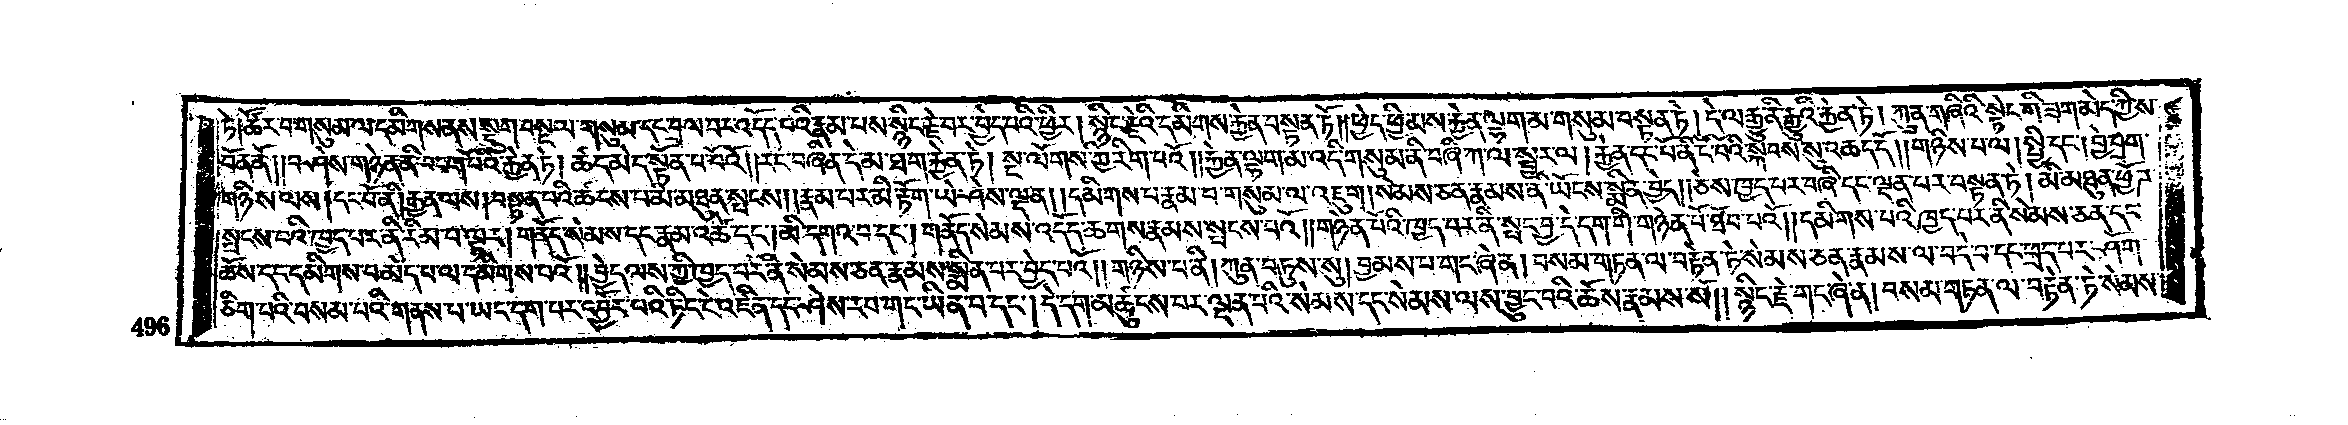ཏེ། ཚོར་བ་གསུམ་ལ་དམིགས་ནས་སྡུག་བསྔལ་གསུམ་དང་བྲལ་བར་འདོད་པའི་རྣམ་པས་སྙིང་རྗེ་བར་བྱེད་པའི་ཕྱིར། སྙིང་རྗེའི་དམིགས་རྐྱེན་བསྟན་ཏོ། །ཕྱེད་ཕྱི་མས་རྐྱེན་ལྷག་མ་གསུམ་བསྟན་ཏེ། དེ་ལ་རྒྱུ་ནི་རྒྱུའི་རྐྱེན་ཏེ། ཀུན་གཞིའི་སྟེང་གི་ཟག་མེད་ཀྱི་ས་
བོན་ནོ། །བཤེས་གཉེན་ནི་བདག་པོའི་རྐྱེན་ཏེ། ཚད་མེད་སྟོན་པ་པོའོ། །རང་བཞིན་དེ་མ་ཐག་རྐྱེན་ཏེ། སྔ་ལོགས་ཀྱི་རིག་པའོ། །རྐྱེན་ལྷག་མ་འདི་གསུམ་ནི་བཞི་ཀ་ལ་སྦྱར་ལ། རྐྱེན་དང་པོ་ནི་ངོ་བོའི་སྐབས་སུ་འཆད་དོ། །གཉིས་པ་ལ། སྤྱི་དང་། བྱེ་བྲག་
གཉིས་ལས། དང་པོ་ནི། རྒྱན་ལས། བསྟན་པའི་ཚངས་པ་མི་མཐུན་སྤངས། །རྣམ་པར་མི་རྟོག་ཡེ་ཤེས་ལྡན། །དམིགས་པ་རྣམ་པ་གསུམ་ལ་འཇུག །སེམས་ཅན་རྣམས་ནི་ཡོངས་སྨིན་བྱེད། །ཅེས་ཁྱད་པར་བཞི་དང་ལྡན་པར་བསྟན་ཏེ། མི་མཐུན་ཕྱོགས་
སྤངས་པའི་ཁྱད་པར་ནི་རིམ་པ་ལྟར། གནོད་སེམས་དང་རྣམ་འཚེ་དང་། མི་དགའ་བ་དང་། གནོད་སེམས་འདོད་ཆགས་རྣམས་སྤངས་པའོ། །གཉེན་པོའི་ཁྱད་པར་ནི་སྤང་བྱ་དེ་དག་གི་གཉེན་པོ་ཐོབ་པའོ། །དམིགས་པའི་ཁྱད་པར་ནི་སེམས་ཅན་དང་
ཆོས་དང་དམིགས་པ་མེད་པ་ལ་དམིགས་པའོ། །བྱེད་ལས་ཀྱི་ཁྱད་པར་ནི་སེམས་ཅན་རྣམས་སྨིན་པར་བྱེད་པའོ། །གཉིས་པ་ནི། ཀུན་བཏུས་སུ། བྱམས་པ་གང་ཞེ་ན། བསམ་གཏན་ལ་བརྟེན་ཏེ་སེམས་ཅན་རྣམས་ལ་བདེ་བ་དང་ཕྲད་པར་ཤོག་
ཅིག་པའི་བསམ་པའི་གནས་པ་ཡང་དག་པར་འབྱོར་པའི་ཏིང་ངེ་འཛིན་དང་ཤེས་རབ་གང་ཡིན་པ་དང་། དེ་དག་མཚུངས་པར་ལྡན་པའི་སེམས་དང་སེམས་ལས་བྱུང་བའི་ཆོས་རྣམས་སོ། །སྙིང་རྗེ་གང་ཞེ་ན། བསམ་གཏན་ལ་བརྟེན་ཏེ་སེམས་